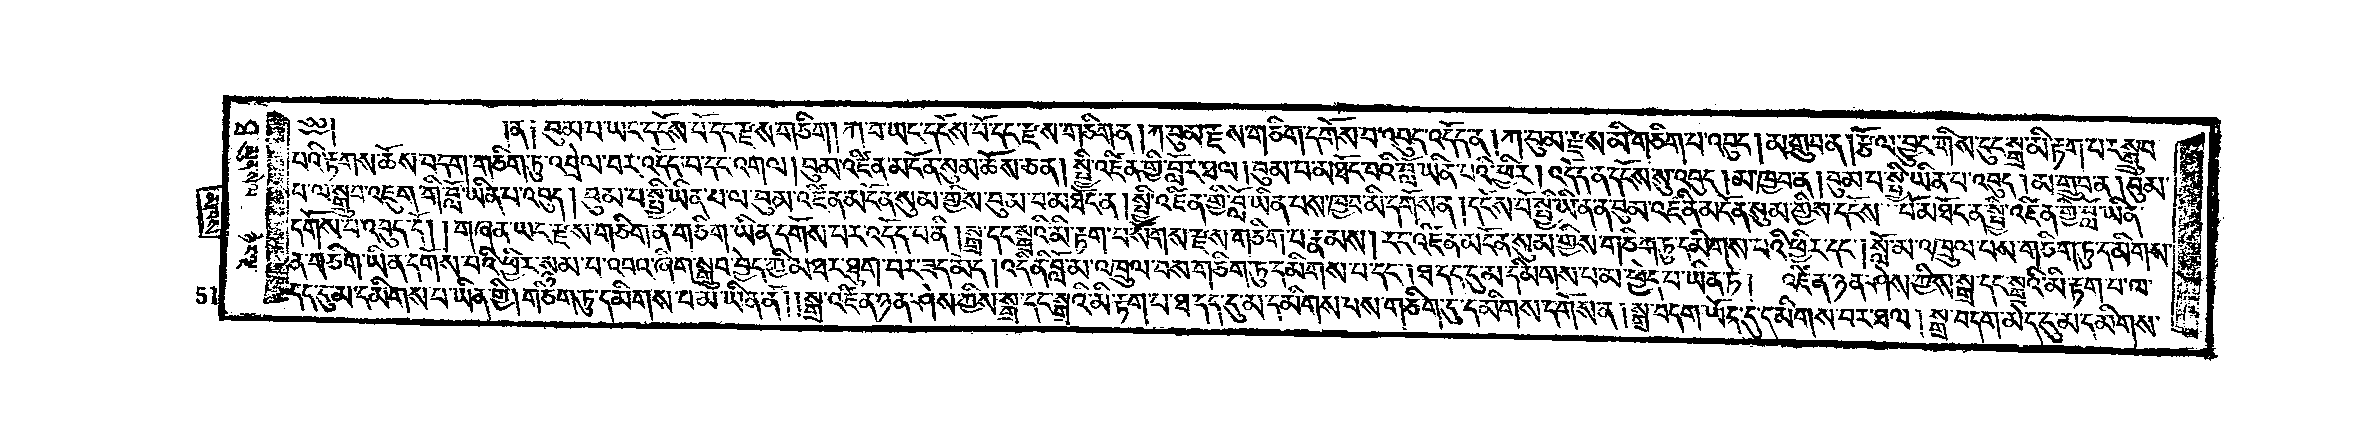༄༅། །ན། བུམ་པ་ཡང་དངོས་པོ་དང་རྫས་གཅིག། ཀ་བ་ཡང་དངོས་པོ་དང་རྫས་གཅིག་ན། ཀ་བུམ་རྫས་གཅིག་དགོས་པ་འབུད་འདོད་ན། ཀ་བུམ་རྫས་མི་གཅིག་པ་འབུད། མ་གྲུབ་ན། རྩོལ་བྱུང་གིས་དུང་སྒྲ་མི་རྟག་པར་སྒྲུབ་
པའི་རྟགས་ཆོས་བདག་གཅིག་ཏུ་འབྲེལ་བར་འདོད་པ་དང་འགལ། བུམ་འཛིན་མངོན་སུམ་ཆོས་ཅན། སྤྱི་འཛིན་གྱི་བློར་ཐལ། བུམ་པ་མཐོང་བའི་བློ་ཡིན་པའི་ཕྱིར། འདོད་ན་དངོས་སུ་འབུད། མ་ཁྱབ་ན། བུམ་པ་སྤྱི་ཡིན་པ་འབུད། མ་གྲུབ་ན། བུམ་
པ་ལ་སྒྲུབ་འཇུག་གི་བློ་ཡིན་པ་འབུད། བུམ་པ་སྐྱི་ཡིན་པ་ལ་བུམ་འཛིན་མངོན་སུམ་གྱིས་བུམ་པ་མཐོང་ན། སྤྱི་འཛིན་གྱི་བློ་ཡིན་པས་ཁྱབ་མི་དགོས་ན། དངོས་པོ་སྤྱི་ཡི་ན་ན་བུམ་འཛིན་མངོན་སུམ་གྱིས་དངོས་པོ་མཐོང་ན་སྤྱི་འཛིན་གྱི་བློ་ཡིན་
དགོས་པ་འབུད་དོ། །གཞན་ཡང་རྫས་གཅིག་ན་གཅིག་ཡིན་དགོས་པར་འདོད་པ་ནི། སྒྲ་དང་སྒྲའི་མི་རྟག་པ་སོགས་རྫས་གཅིག་པ་རྣམས། རང་འཛིན་མངོན་སུམ་གྱིས་གཅིག་ཏུ་དམིགས་པའི་ཕྱིར་དང་། སློ་མ་འཁྲུལ་པས་གཅིག་ཏུ་དམིགས་
ན་གཅིག་ཡིན་དགོས་པའི་ཕྱིར་སྙམ་པ་འབའ་ཞིག་སྒྲུབ་བྱེད་ཀྱི་མཐར་ཐུག་པར་ཟད་མེད། འདི་ནི་བློ་མ་འཁྲུལ་བས་གཅིག་ཏུ་དམིགས་པ་དང་། ཐ་དད་དུ་མ་དམིགས་པ་མ་ཕྱེད་པ་ཡིན་ཏེ། སྒྲ་འཛིན་ཉན་ཤེས་ཀྱིས་སྒྲ་དང་སྒྲའི་མི་རྟག་པ་ཐ་
དད་དུ་མ་དམིགས་པ་ཡིན་གྱི། གཅིག་ཏུ་དམིགས་པ་མ་ཡིན་ནོ། །སྒྲ་འཛིན་ཉན་ཤེས་ཀྱིས་སྒྲ་དང་སྒྲའི་མི་རྟག་པ་ཐ་དད་དུ་མ་དམིགས་པས་གཅིག་དུ་དམིགས་དགོས་ན། སྒྲ་བདག་ཡོད་དུ་དམིགས་པར་ཐལ། སྒྲ་བདག་མེད་དུ་མ་དམིགས་